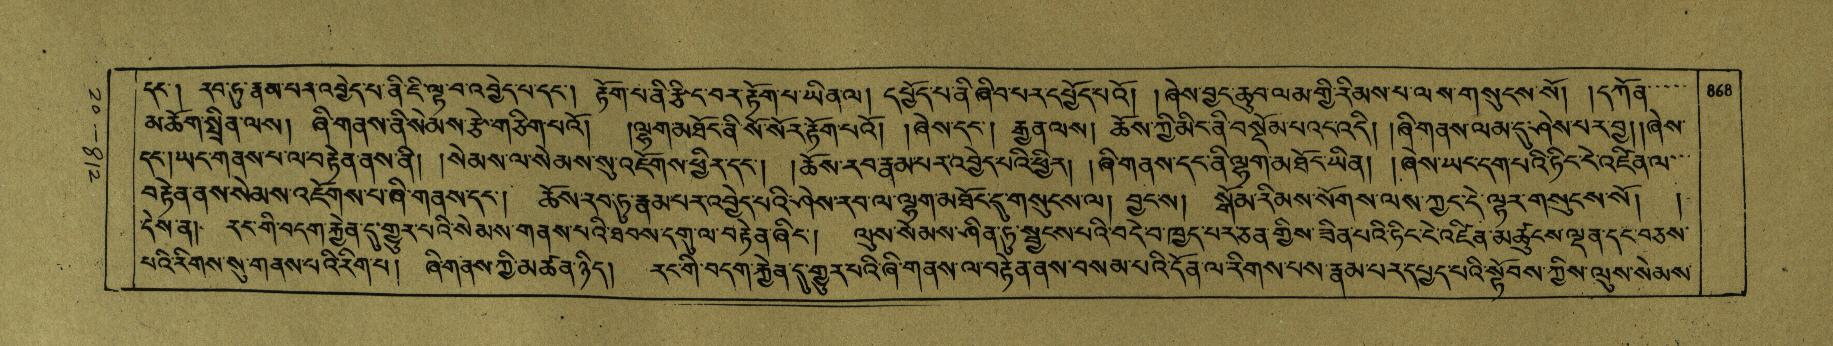དང་། རབ་ཏུ་རྣམ་པར་འབྱེད་པ་ནི་ཇི་ལྟ་བ་འབྱེད་པ་དང་། རྟོག་པ་ནི་རྩིང་བར་རྟོག་པ་ཡིན་ལ། དཔྱོད་པ་ནི་ཞིབ་པར་དཔྱོད་པའོ། །ཞེས་བྱང་ཆུབ་ལམ་གྱི་རིམས་པ་ལས་གསུངས་སོ། །དཀོན་
མཆོག་སྤྲིན་ལས། ཞི་གནས་ནི་སེམས་རྩེ་གཅིག་པའོ། །ལྷག་མཐོང་ནི་སོ་སོར་རྟོག་པའོ། །ཞེས་དང་། རྒྱན་ལས། ཆོས་ཀྱི་མིང་ནི་བསྡོམས་པའང་འདི། །ཞི་གནས་ལམ་དུ་ཤེས་པར་བྱ། །ཞེས་
དང་། ཡང་གནས་པ་ལ་བརྟེན་ནས་ནི། །སེམས་ལ་སེམས་སུ་འཇོགས་ཕྱིར་དང་། །ཆོས་རབ་རྣམ་པར་འབྱེད་པའི་ཕྱིར། ཞི་གནས་དང་ནི་ལྷག་མཐོང་ཡིན། །ཞེས་ཡང་དག་པའི་ཏིང་ངེ་འཛིན་ལ་
བརྟེན་ནས་སེམས་འཇོགས་པ་ཞི་གནས་དང་། ཆོས་རབ་ཏུ་རྣམ་པར་འབྱེད་པའི་ཤེས་རབ་ལ་ལྷག་མཐོང་དུ་གསུངས་ལ། བྱང་ས། སྒོམ་རིམས་སོགས་ལས་ཀྱང་དེ་ལྟར་གསུངས་སོ། །
དེས་ན། རང་གི་བདག་རྐྱེན་དུ་གྱུར་པའི་སེམས་གནས་པའི་ཐབས་དགུ་ལ་བརྟེན་ཞིང་། ལུས་སེམས་ཤིན་ཏུ་སྦྱངས་པའི་བདེ་བ་ཁྱད་པར་ཅན་གྱིས་ཟིན་པའི་ཏིང་ངེ་འཛིན་མཚུངས་ལྡན་དང་བཅས་
པའི་རིགས་སུ་གནས་པའི་རིག་པ། ཞི་གནས་ཀྱི་མཚན་ཉིད། རང་གི་བདག་རྐྱེན་དུ་གྱུར་པའི་ཞི་གནས་ལ་བརྟེན་ནས་བསམ་པའི་དོན་ལ་རིགས་པས་རྣམ་པར་དཔྱད་པའི་སྟོབས་ཀྱིས་ལུས་སེམས་